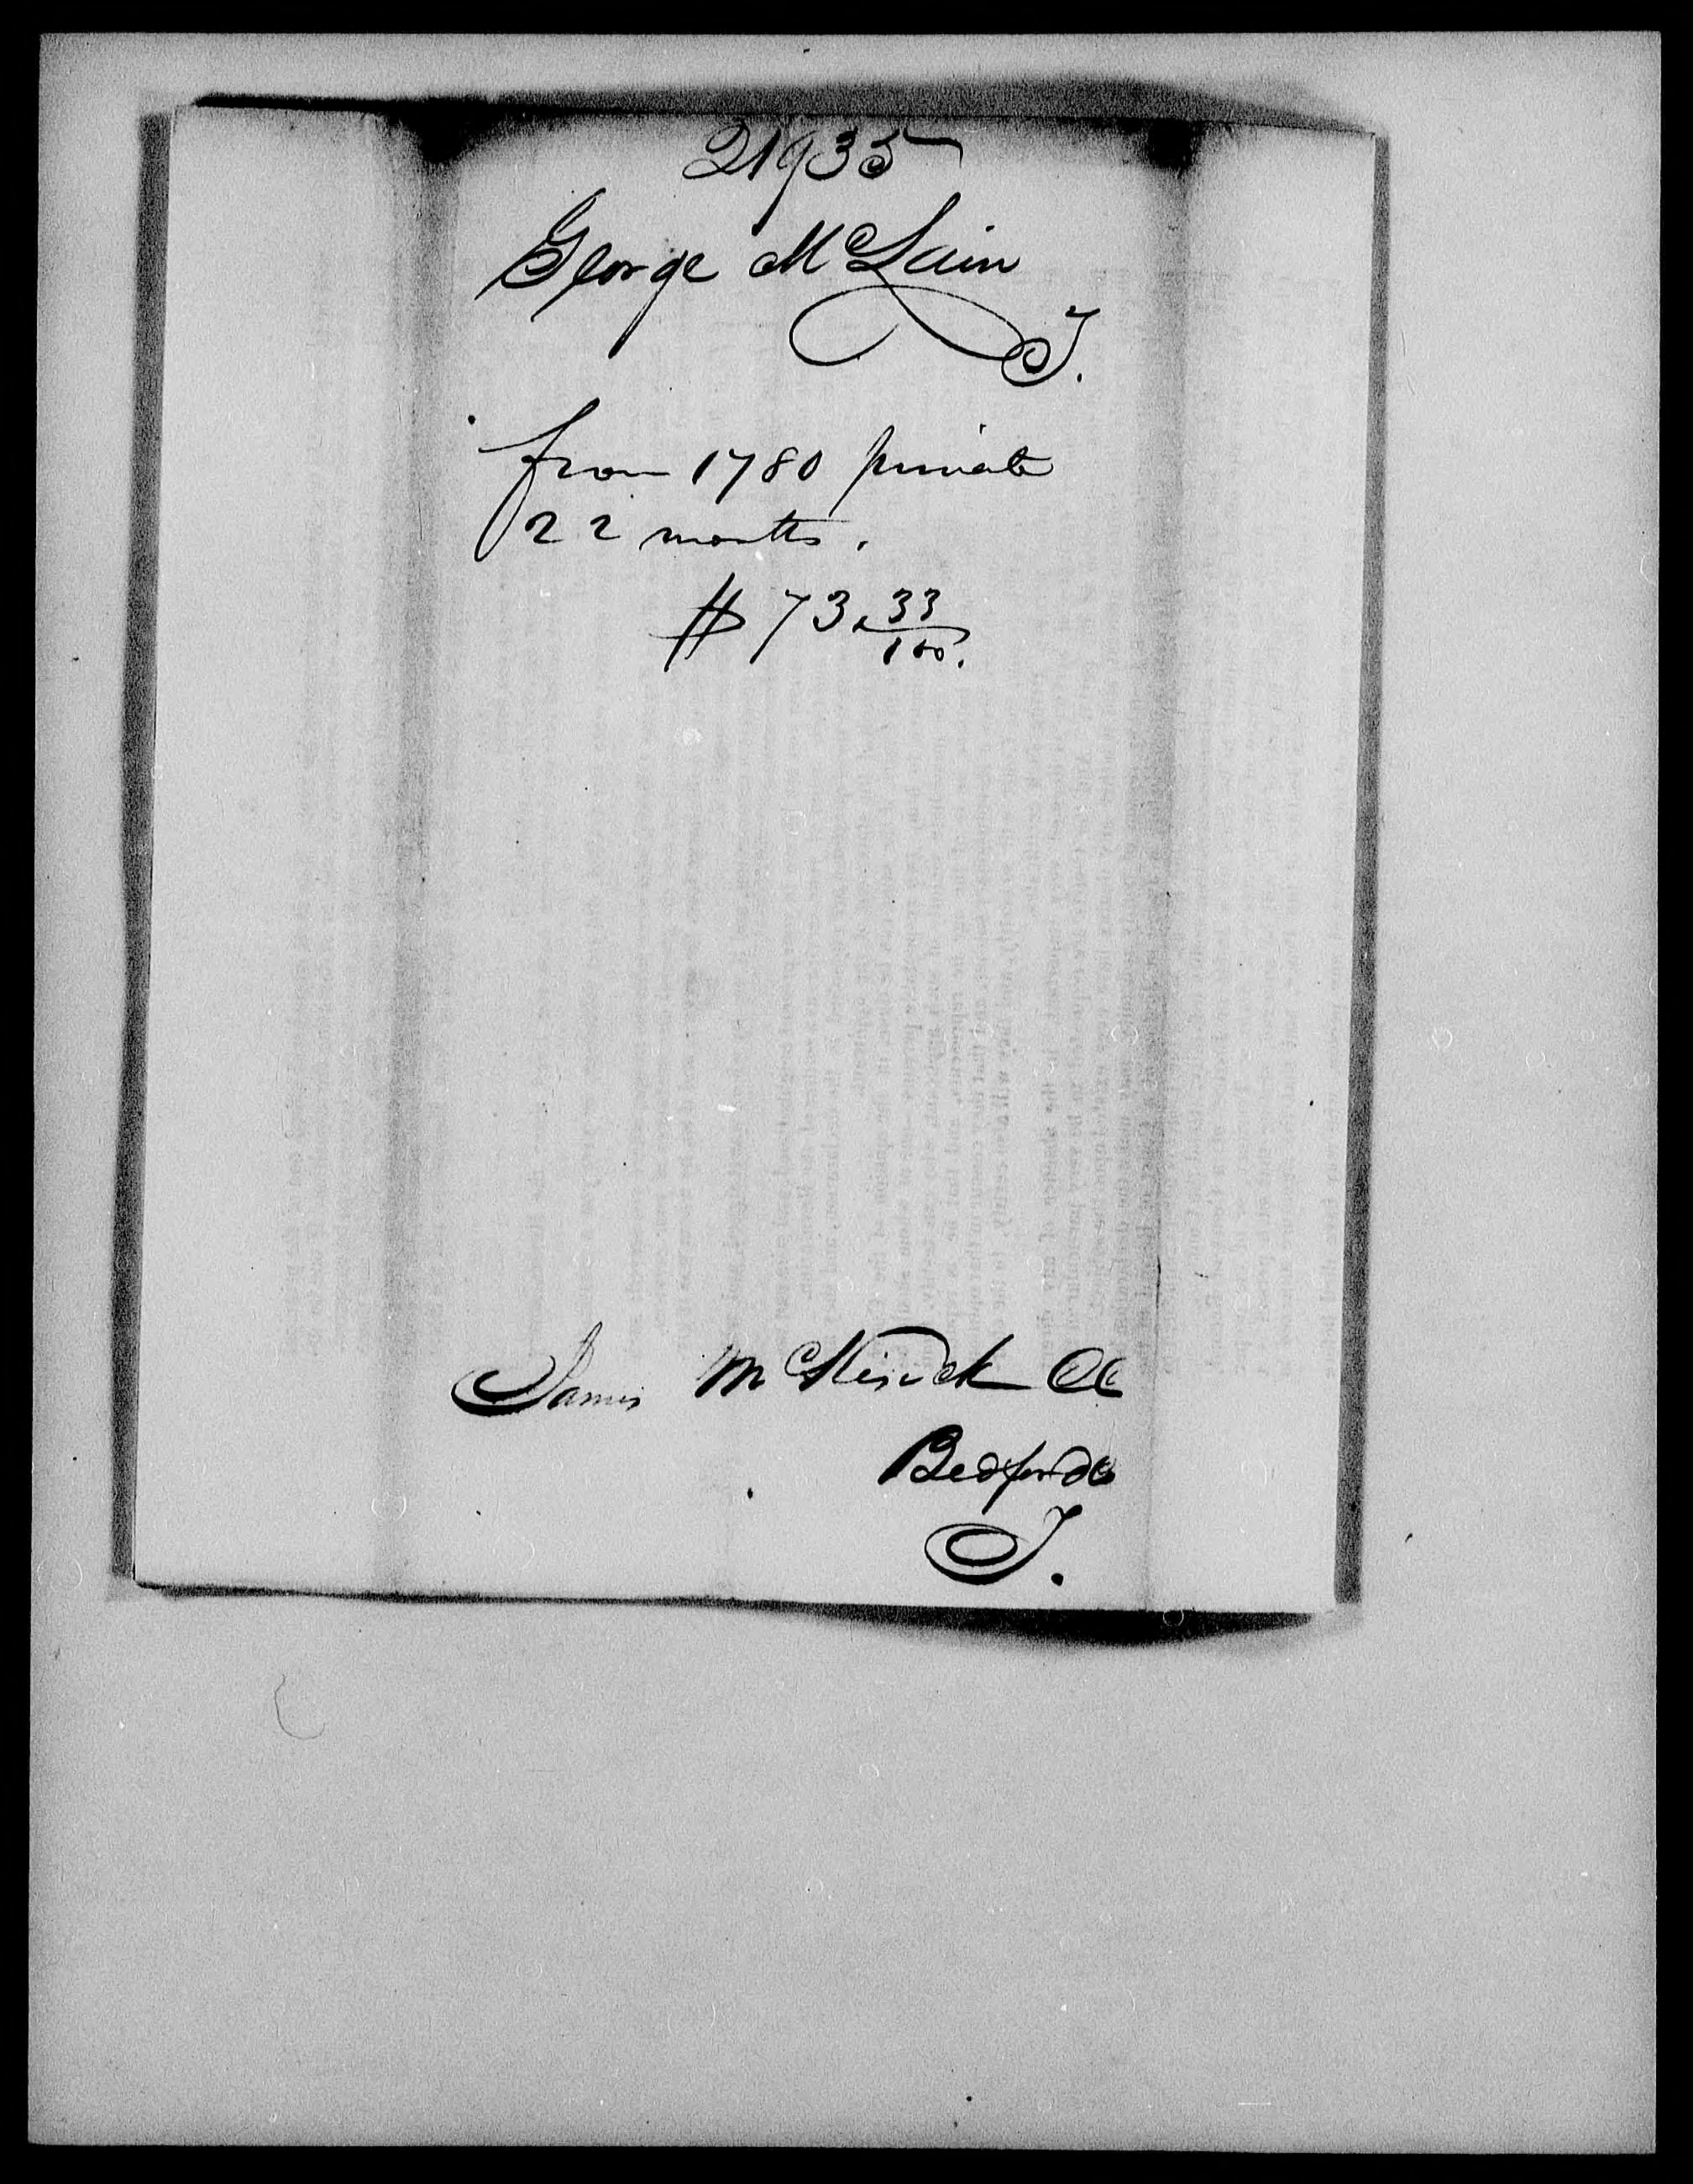21935 
George McLain 
T. 
from 1780 private 22 months. 
$73.33/100 

James McKisick CC 
Bedford Co. T.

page: 18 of 67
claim: widow's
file: W. 21793, for George Mc Lain, North Carolina